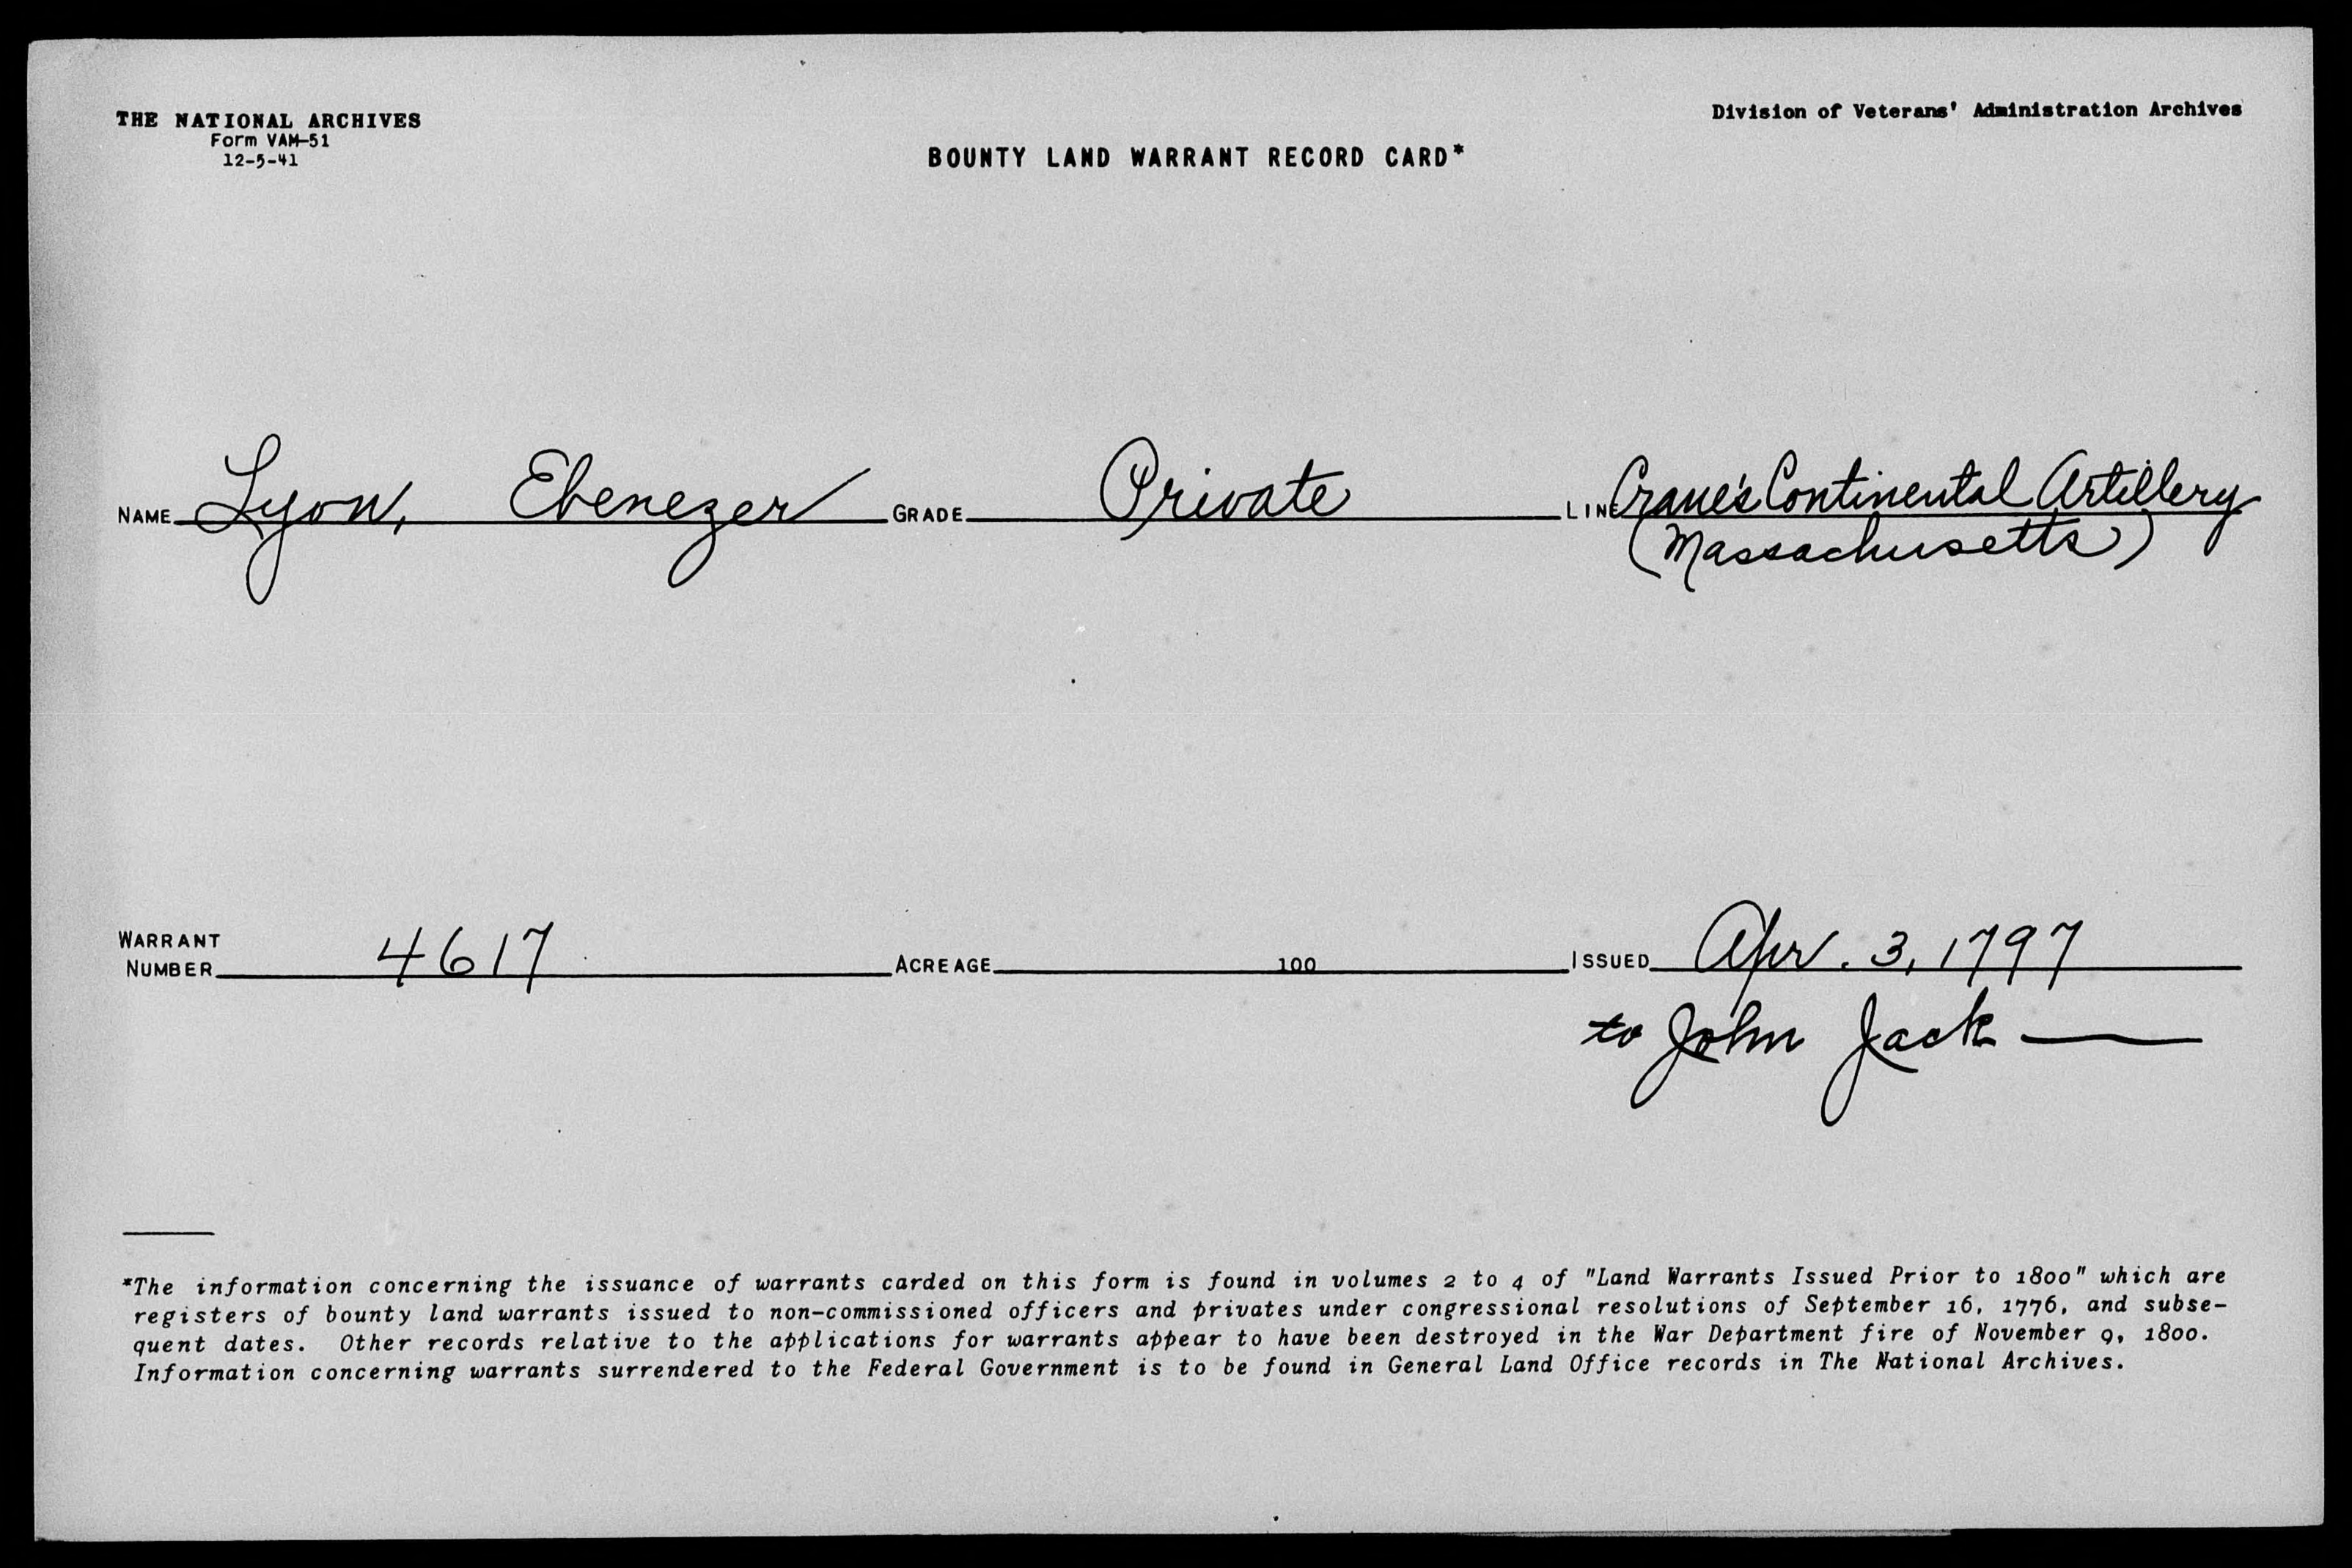THE NATIONAL ARCHIVES
Form VAM-51
12-5-41
BOUNTY LAND WARRANT RECORD CARD*
Division of Veterans' Administration Archives
NAME Lyon, Ebenezer 
GRADE Private
LINE Crane's Continental Artillery (Massachusetts)
WARRANT NUMBER 4617
ACREAGE 100
ISSUED Apr. 3, 1797 to John Jack

*The information concerning the issuance of warrants carded on this form is found in volumes 2 to 4 of "Land Warrants Issued Prior to 1800" which are registers of bounty land warrants issued to non-commissioned officers and privates under congressional resolutions of September 16, 1776, and subsequent dates. Other records relative to the applications for warrants appear to have been destroyed in the War Department fire of November 9, 1800. Information concerning warrants surrendered to the Federal Government is to be found in General Land Office records in The National Archives.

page: 40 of 40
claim: widow's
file: W. 24,615, for Ebenezer Lyon, Connecticut